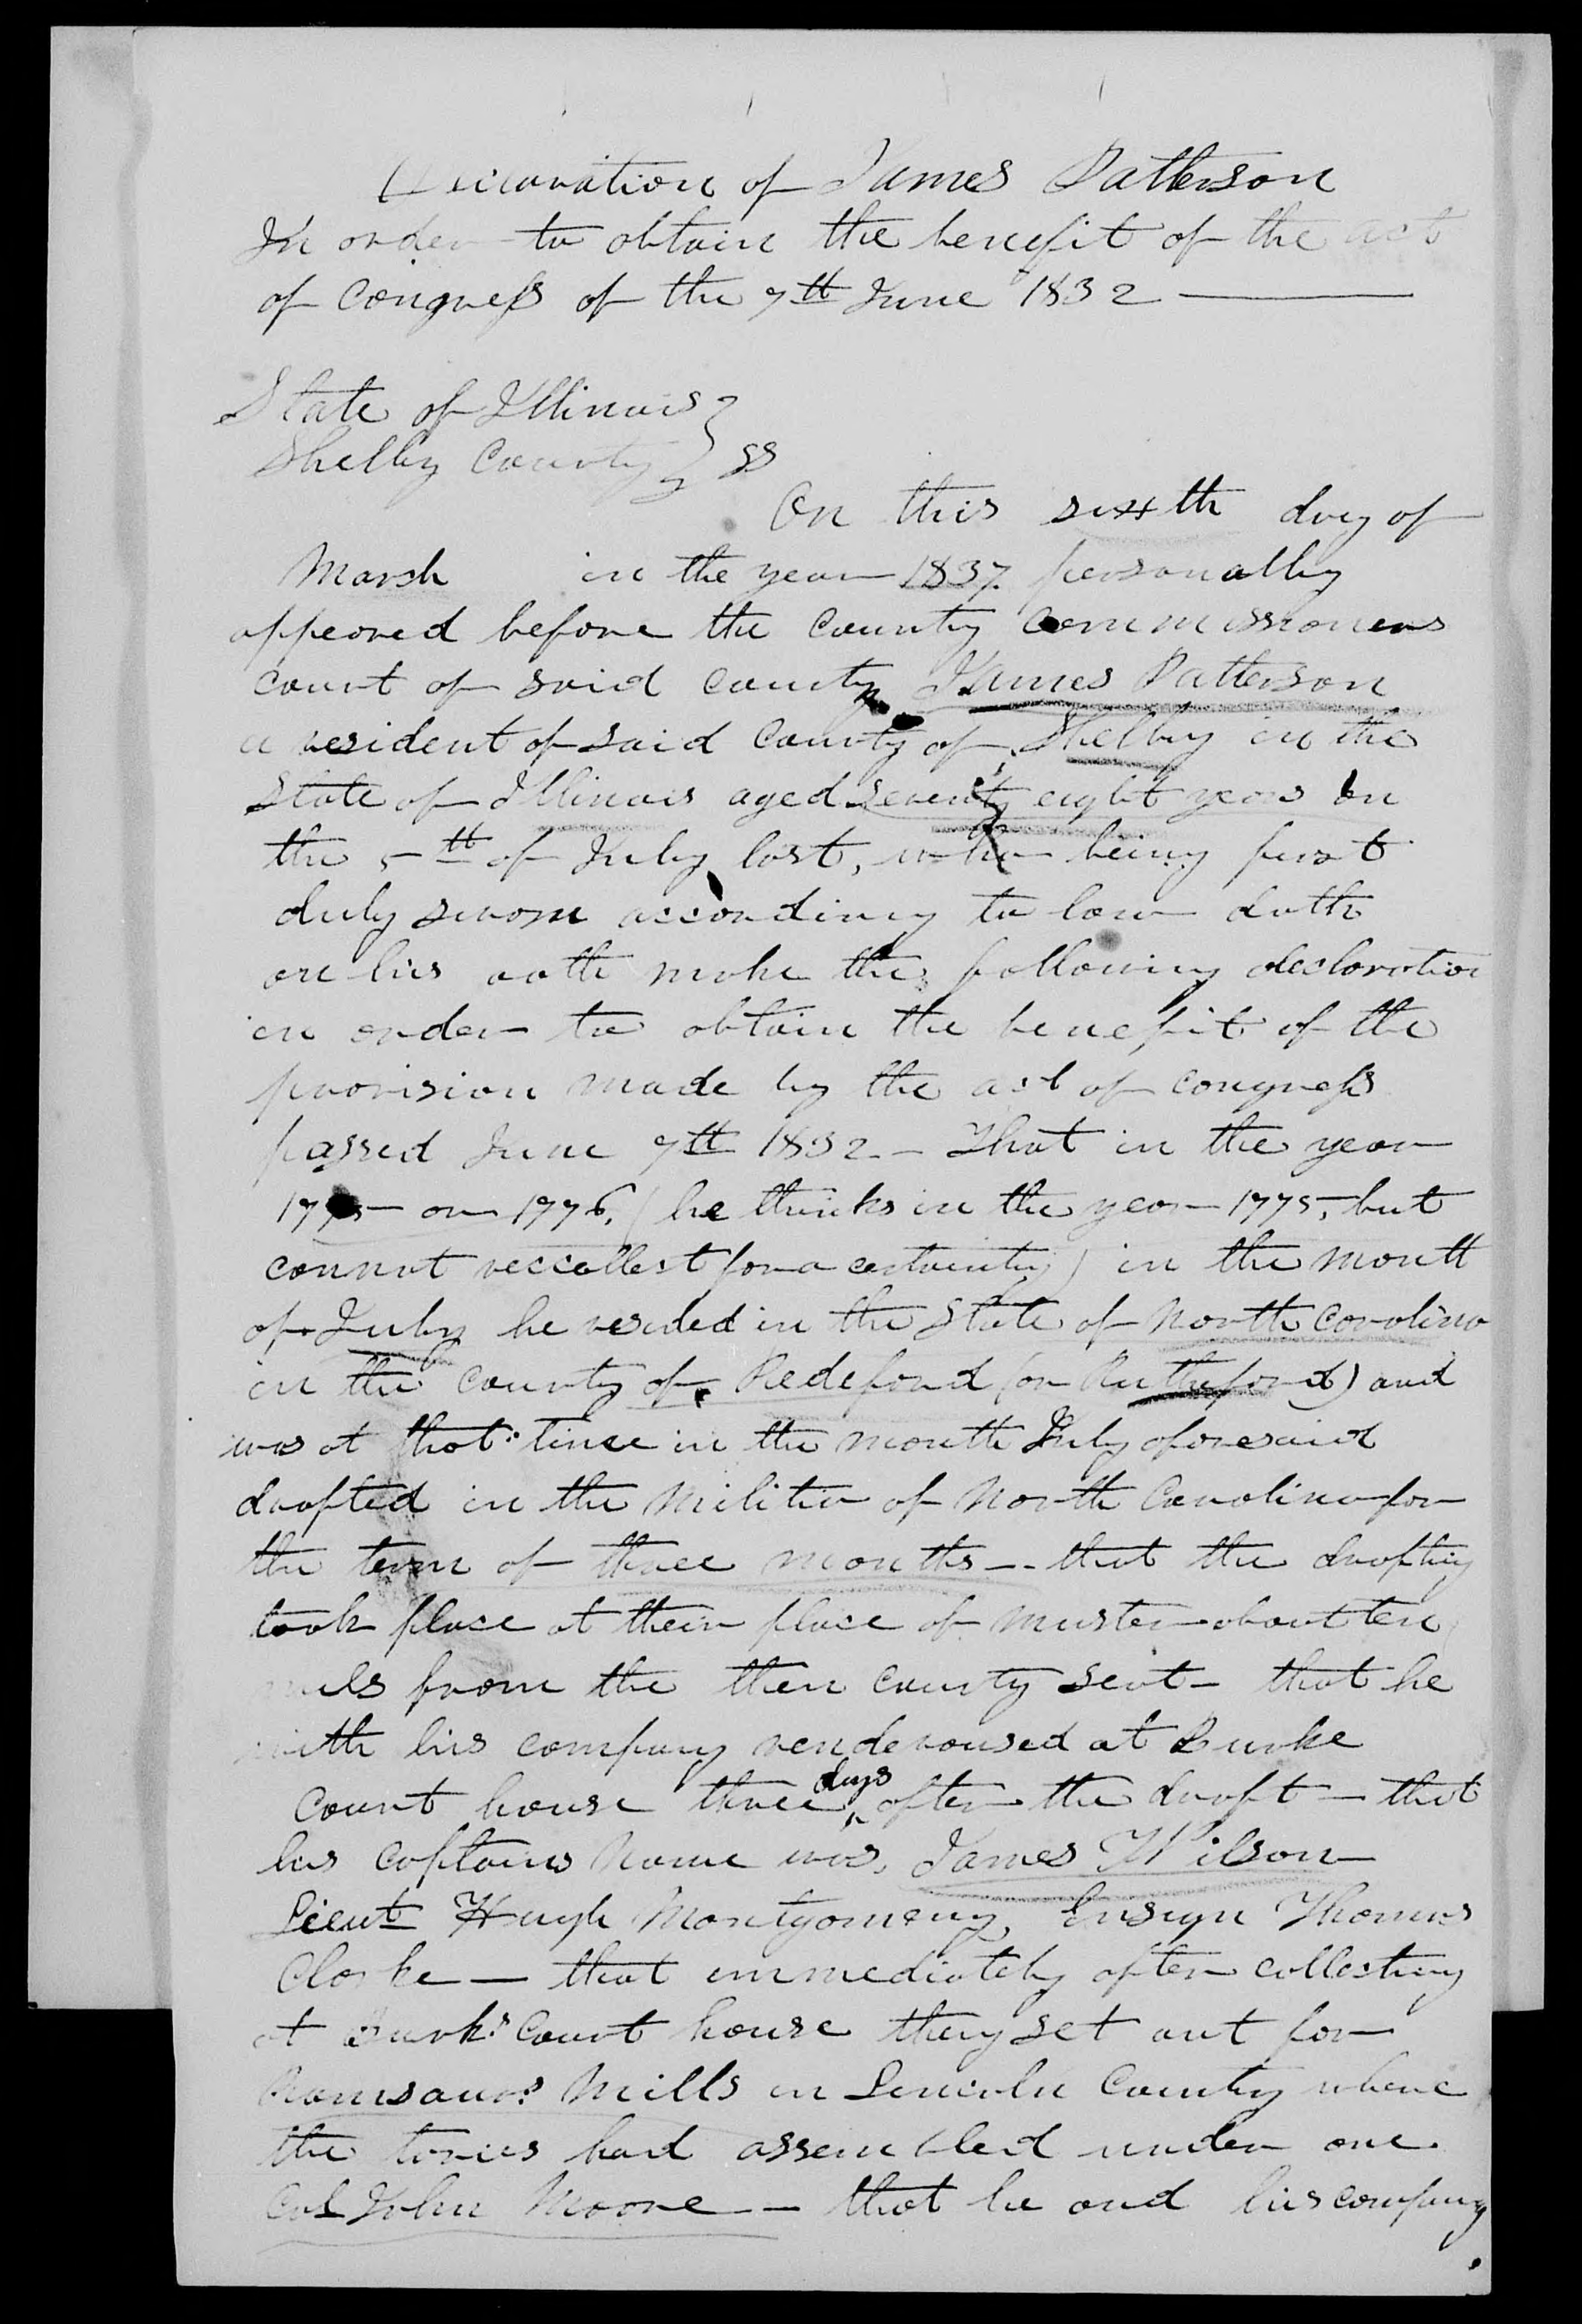declaration of James Patterson 
In order to obtain the benefit of the act of Congress of the 7th June 1832- 
State of Illinois }
Shelby County   } SS
On this sixth day of March in the year 1837 personally appeared before the County Commissioners Court of said county James Patterson a resident of said County of Shelby in the State of Illinois aged seventy eight years on the 5th of July last, who being first duly sworn according to law doth on his oath make the following declaration in order to obtain the benefit of the provision made by the act of Congress passed June 7th 1832 - That in the year [smudged 1775] or 1776, he thinks in the year 1775, but cannot recollect for a certainty in the month of July he resided in the State of North Carolina in the County of [illegible Pedefoud] or Rutherford and was at that time in the month July aforesaid drafted in the militia of North Carolina for the term of three months - that the drafting took place at their place of Muster about ten [illegible miles] from the then County seat- that he with his company rendezvoused at Burke Court house three days after the draft- that his captains name was, James Wilson --- Lieut Hugh Montgomery - Ensign Thomas Clarke, that immediately after collecting at Burk Court house they set out for Ramsour’s Mill in Lincoln County where the tories had assembled under one Col John Moore - that he and his company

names: John Moore; Hugh Montgomery; James Patterson; James Wilson; Thomas Clarke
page: 15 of 69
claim: widow's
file: W. 10861, for James Patterson, North Carolina